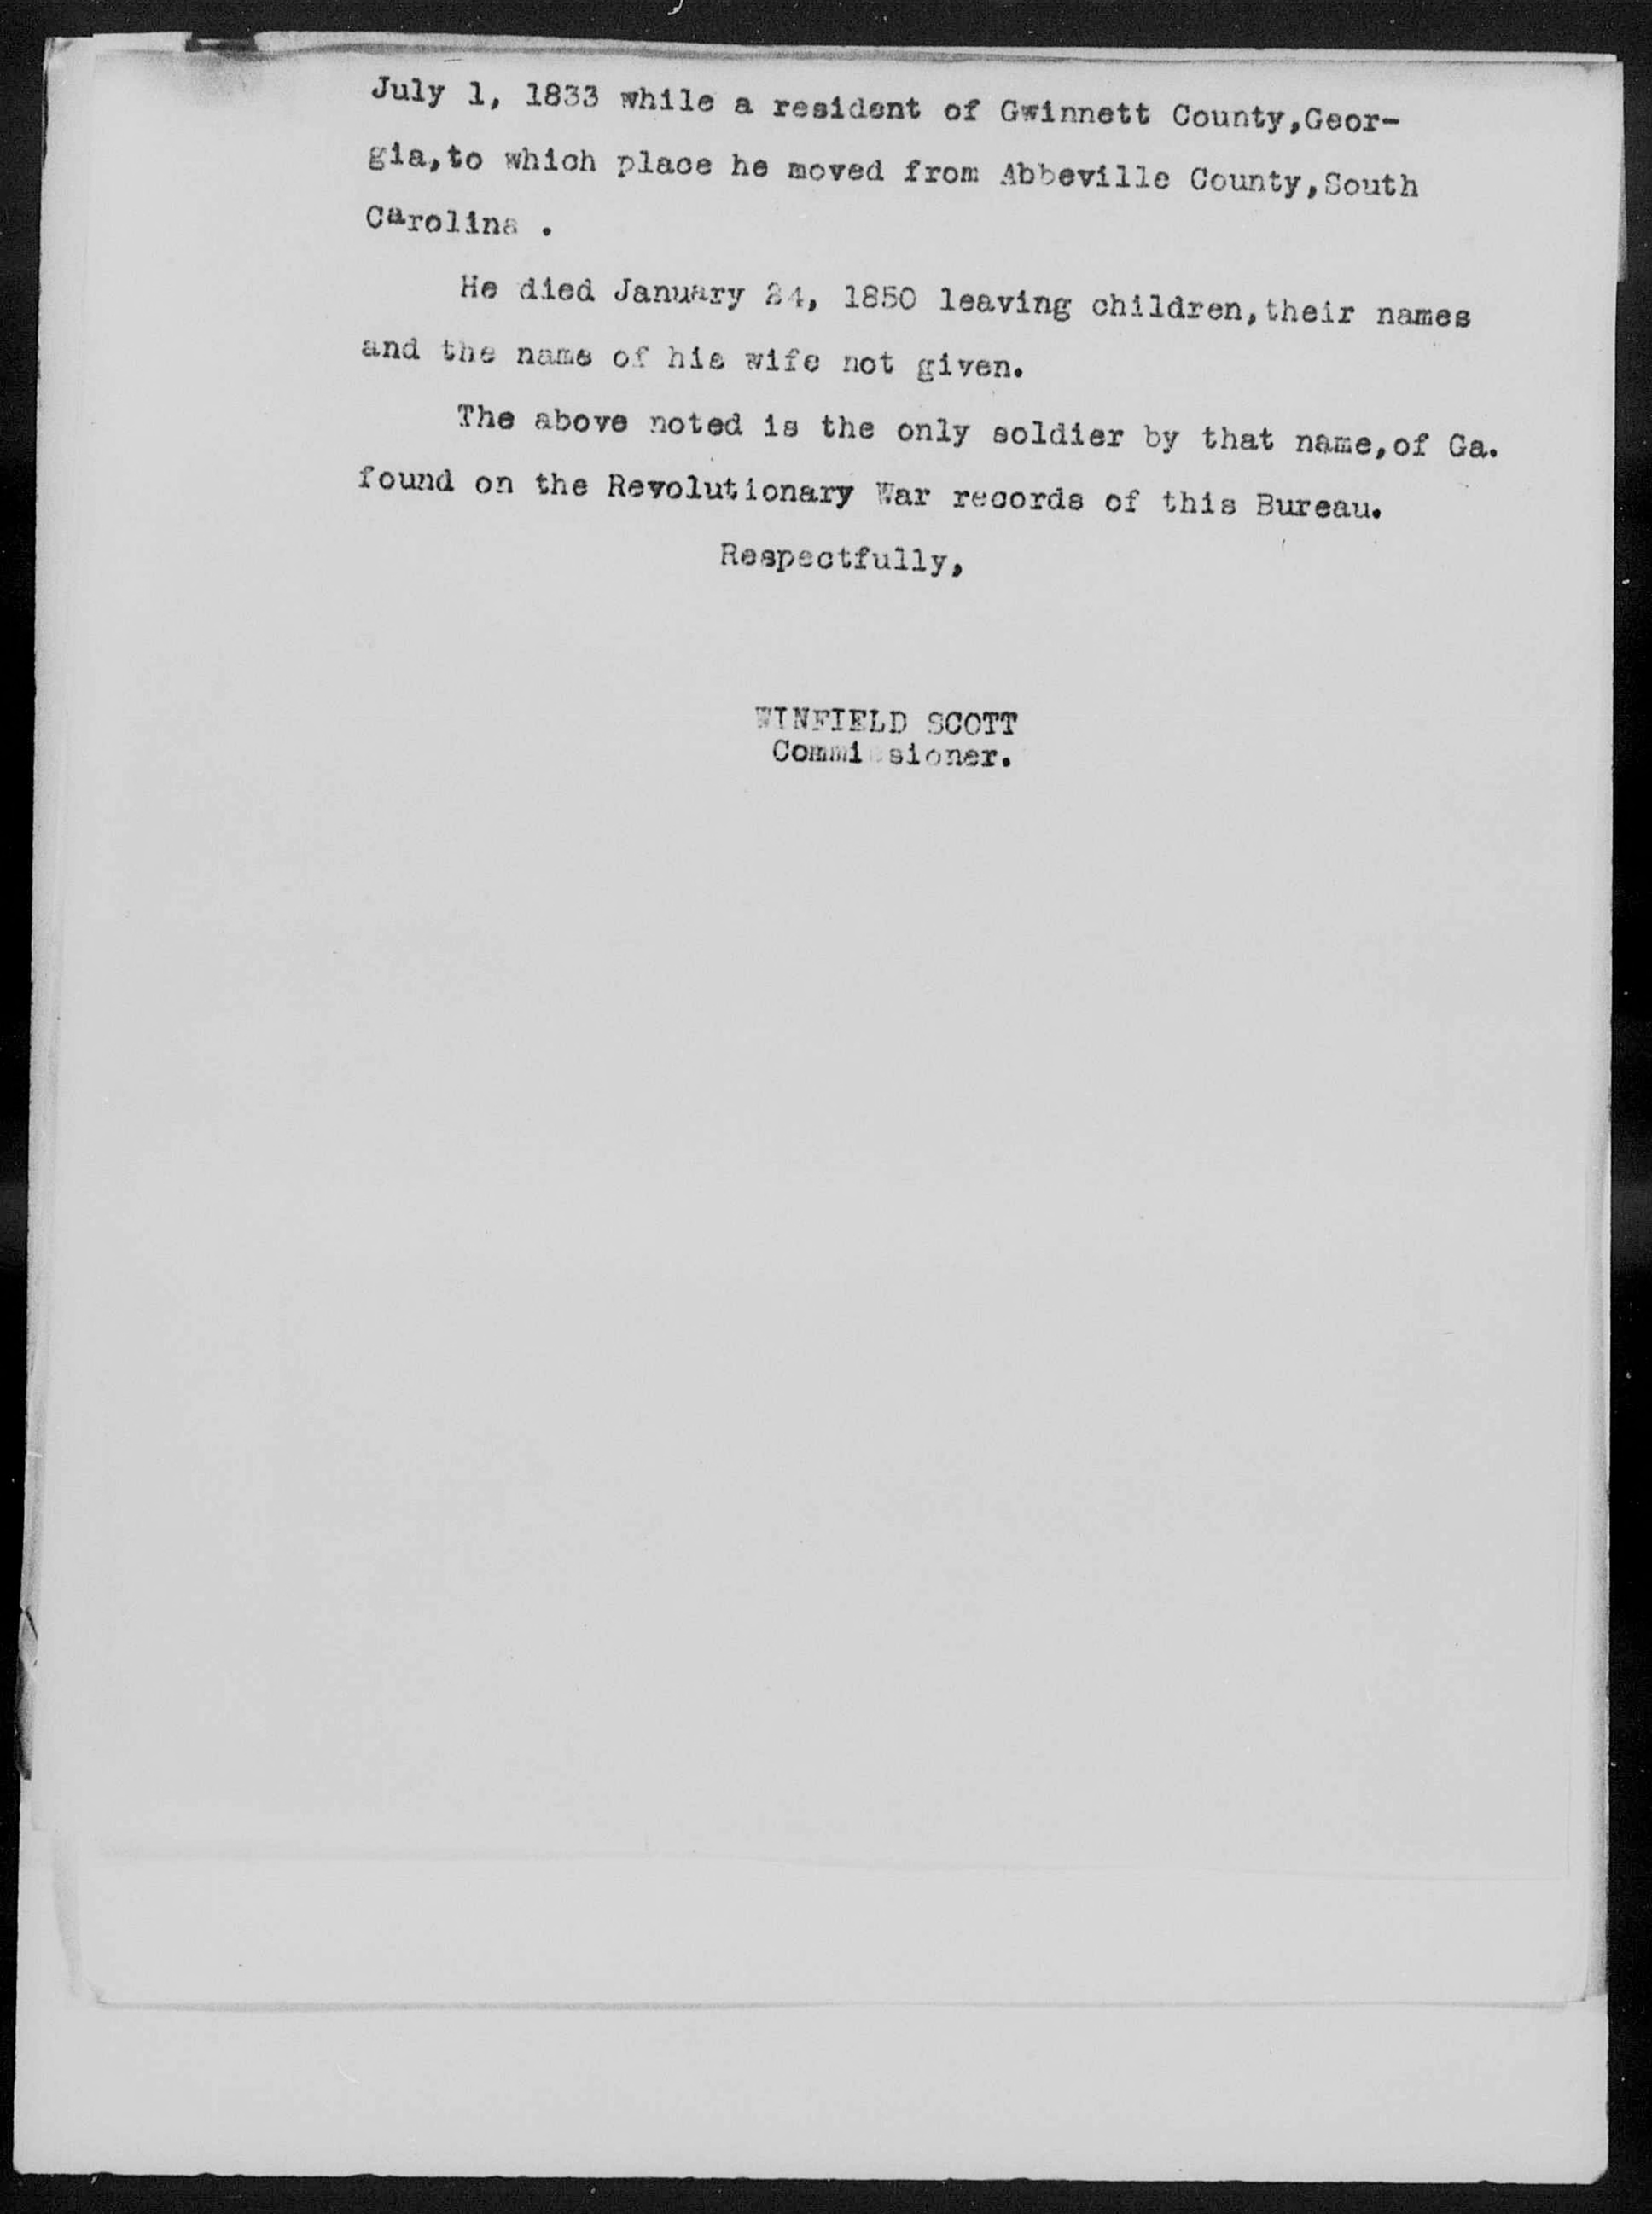July 1, 1833 while a resident of Gwinnett County, Georgia, to which place he moved from Abbeville County, South Carolina.
He died January 24, 1850 leaving children, their names and name of his wife not given.
The above noted is the only soldier by that name, of Ga. found on the Revolutionary War records of this Bureau.
Respectfully,
WINFIELD SCOTT
Commissioner.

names: Winfield Scott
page: 10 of 20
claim: survivor's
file: S. 32,124, John Bowen, Va.